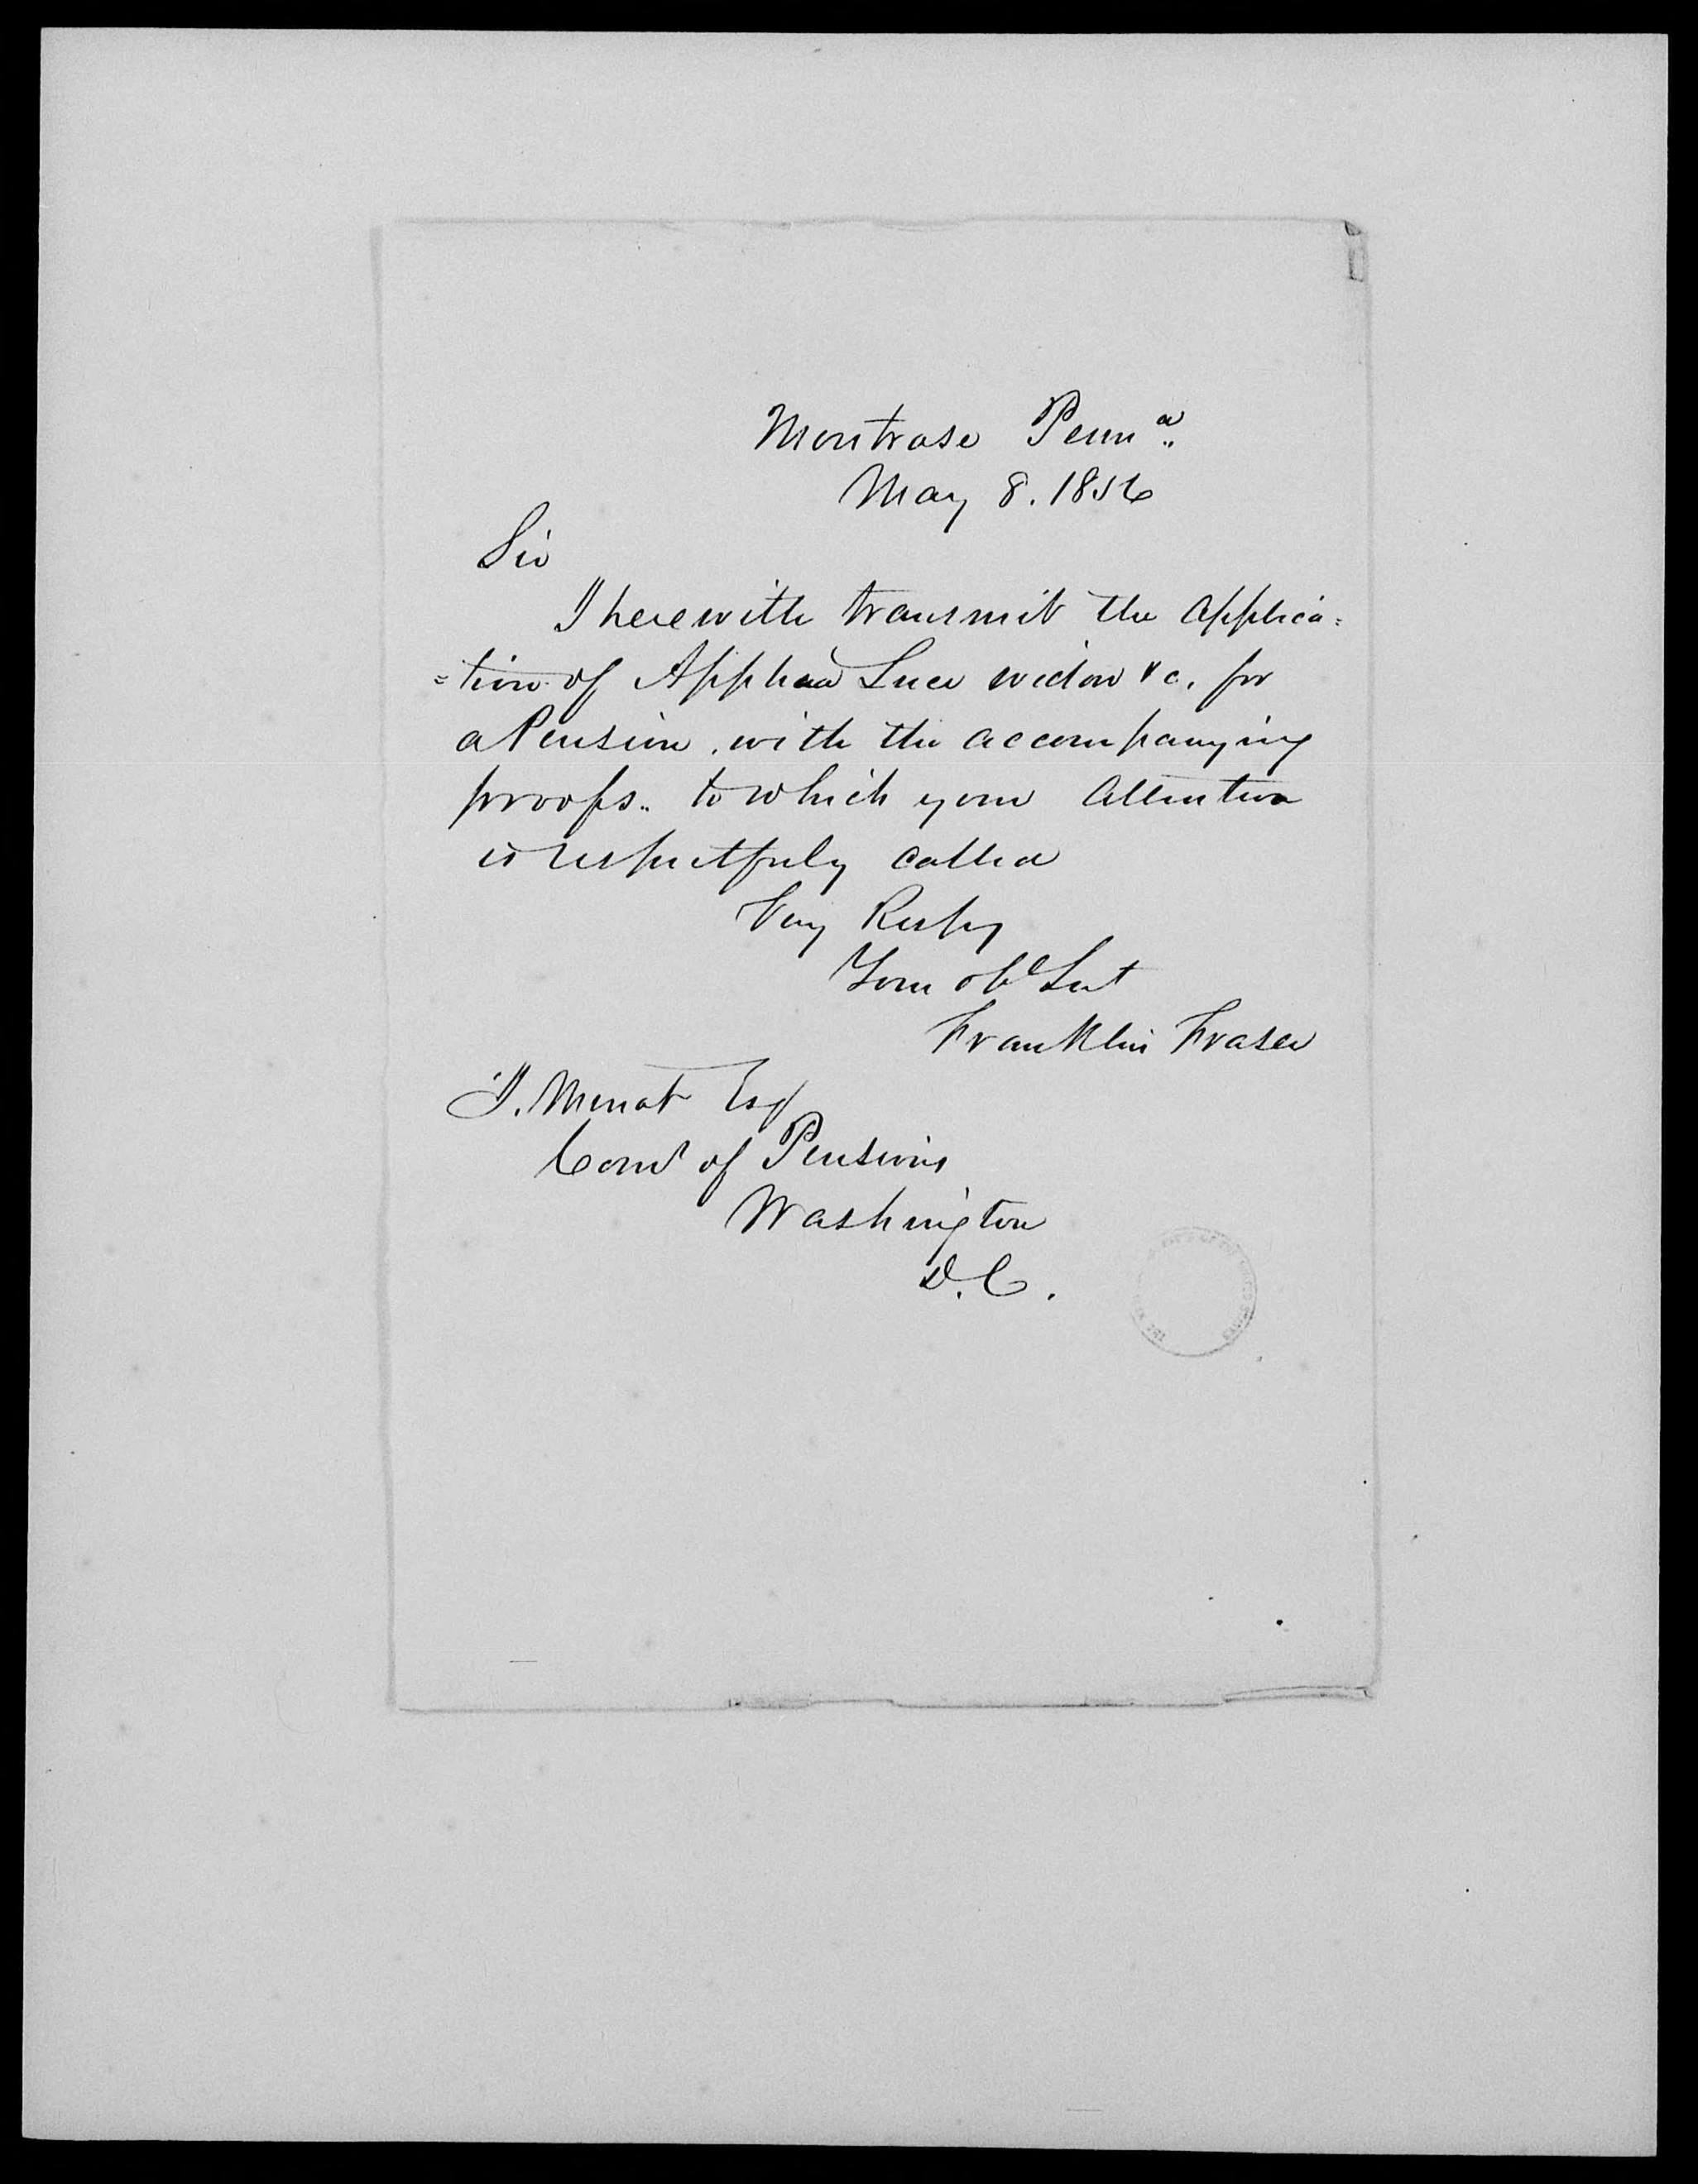Montrose Penna May 8. 1856 
Sir 
I herewith transmit the applica S in of Appearance widow &c for a Pension, with the accompanying proofs, to which your attention is respectfully called 
Day Ruby 
Your [unlegible]
Franklin Fraser 
J. Minot Com of Pensions 
Washington D. C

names: Franklin Fraser; J Minot; Apphua Luce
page: 20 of 70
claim: rejected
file: R. 6510, for Israel Luce, New York